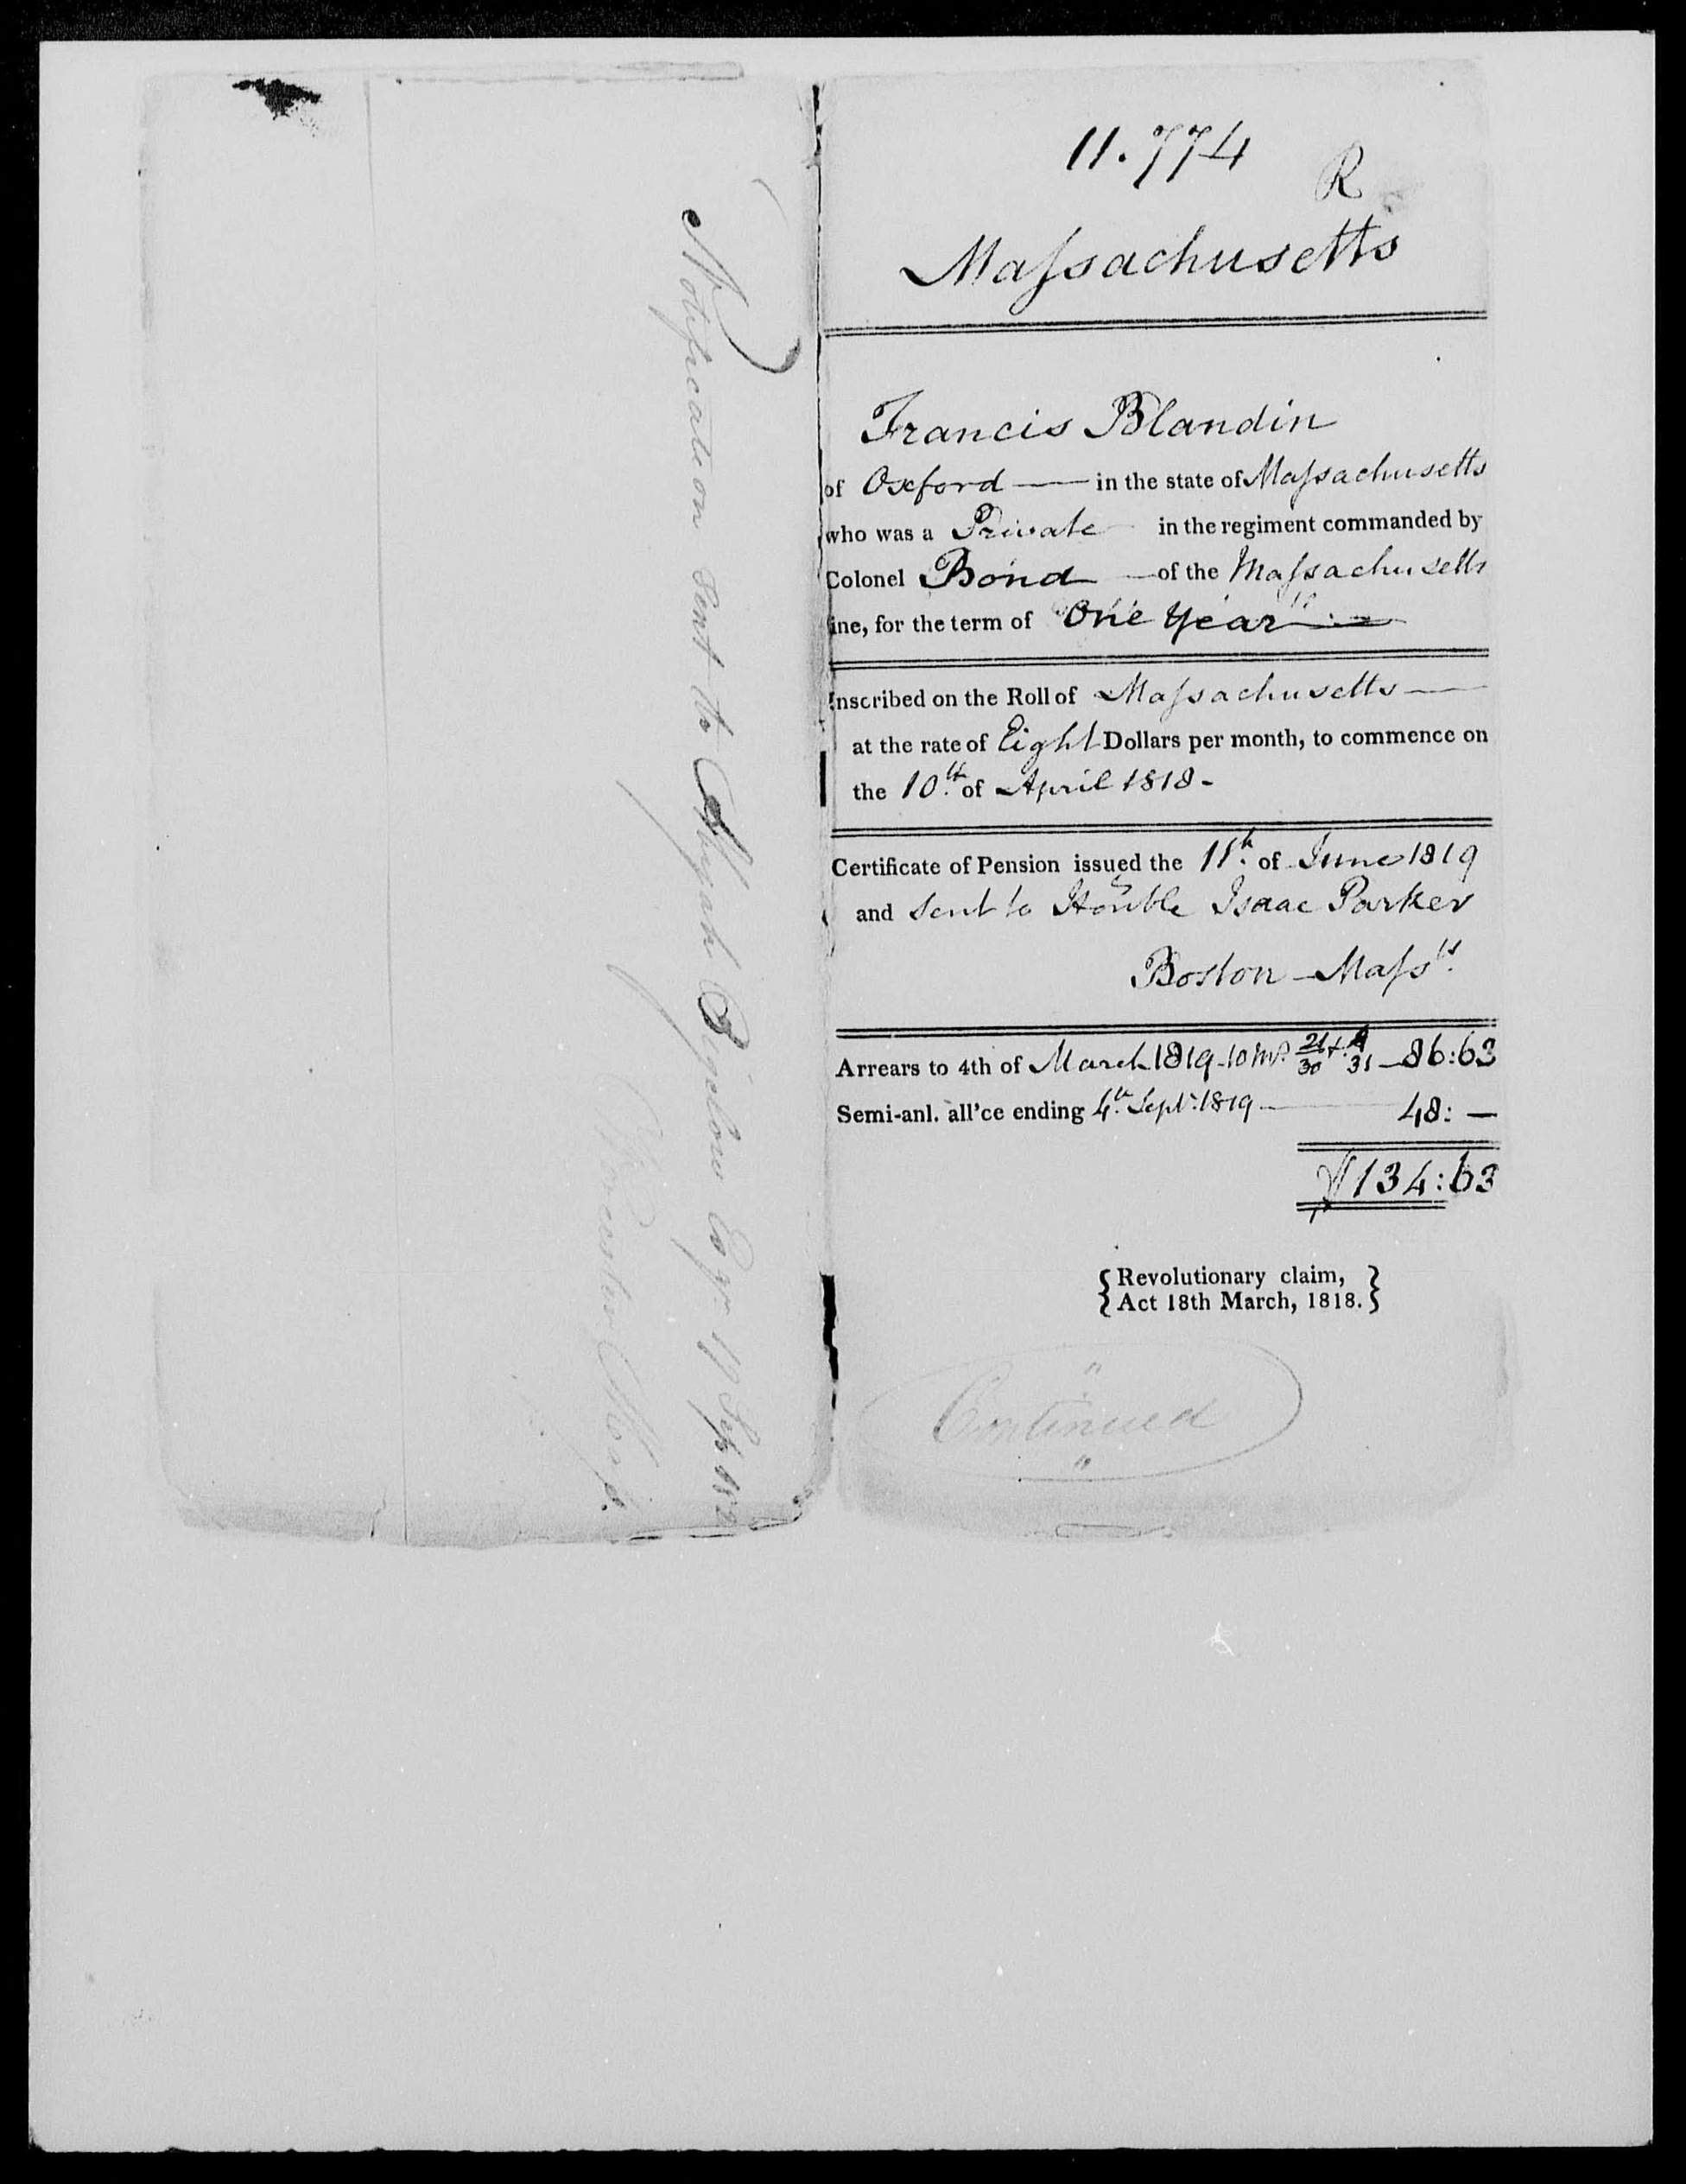11.774

Massachusetts

Francis Blandin

of Oxford in the State of Massachusetts who was a Private in the Regiment commanded by Col Bond of the Massachusetts Line for the term of one year

****
Inscribed on the roll of Massachusetts at the rate of 8 dollars per month to commence on the 10th day of April 1819

****
Certificate of Pension issued the 11th day of June 1819 and sent to Honbl Isaac Parker, Boston Mass

***
Arrears to 4th of Mar 1819 - 10 mo & 26/30  - $86.63

Semiannual allowance ending 4 Sept 1819 -  $48.00

Revolutionary Claim Act 18th March 1818

****
Continued

Notification sent to Abijah Bigelow Esq 17 Sept 182x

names: Bond, Francis Blandin, Isaac Parker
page: 2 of 14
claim: survivor's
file: S. 34,049, Francis Blandin, Mass.